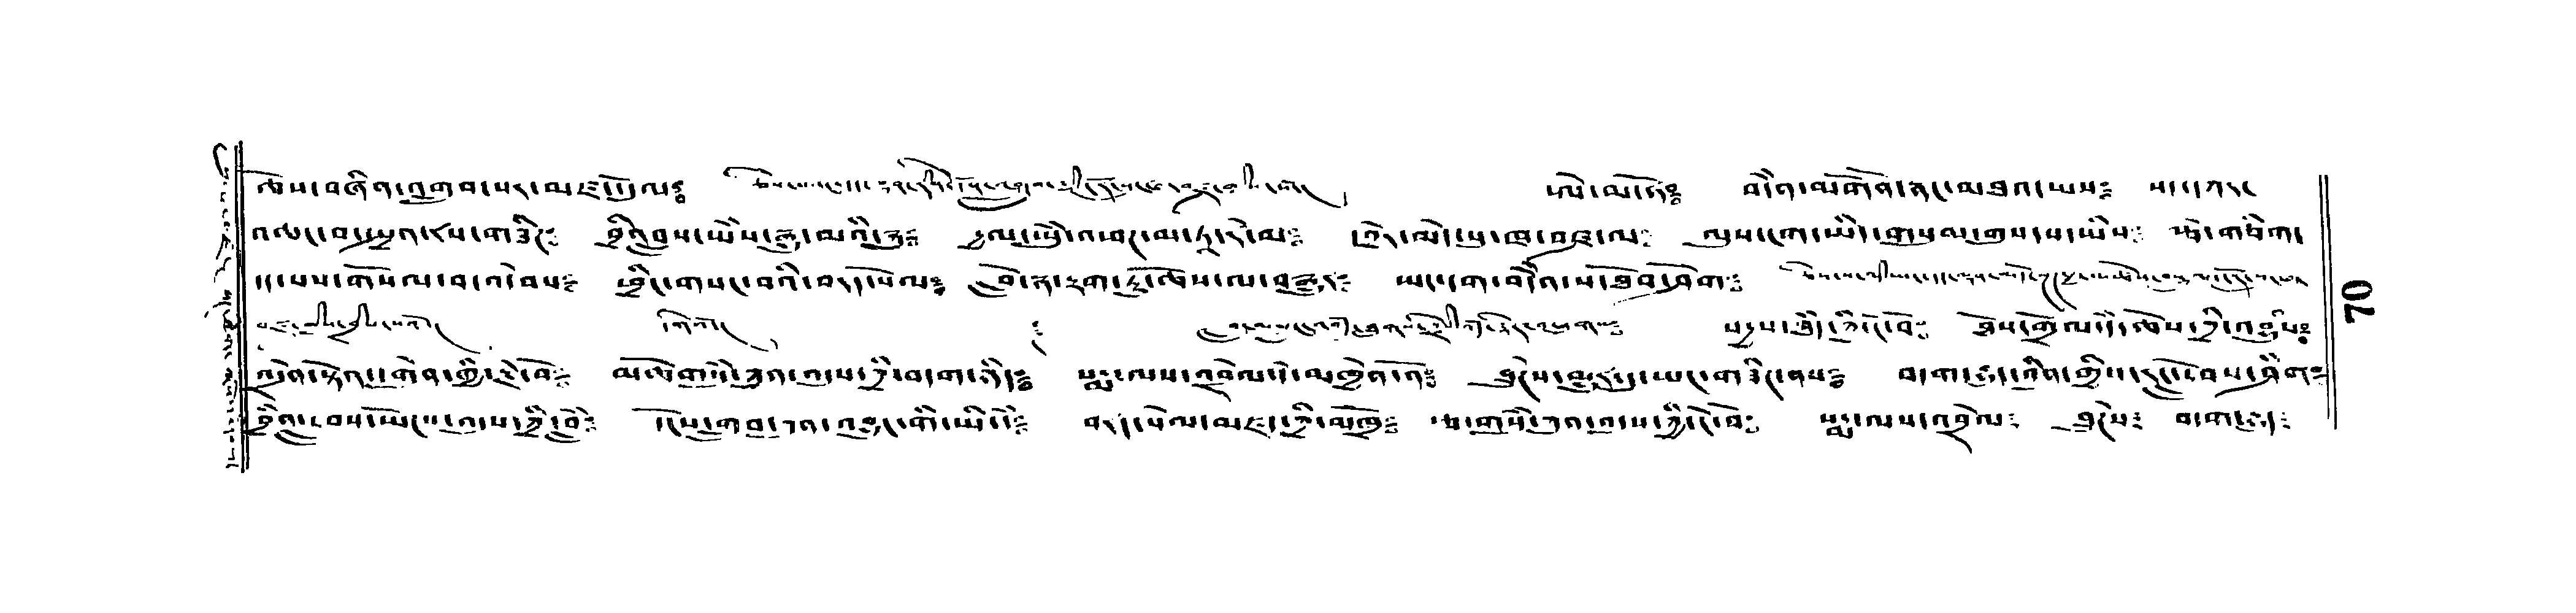ཆོས་བཞིན་འགྲུབ་པར་མཛད་དུ་གསོལ༔ ཅེས་པའང་དད་ལྡན་རིན་ཆེན་དོན་འགྲུབ་ཀྱི་ངོར་སུ་ཁ་བཛྲ་གྱིས་སོ།། ཨེ་མ་ཧོཿ བདེ་ཆེན་མགོན་པོ་སྣང་མཐའ་ཡས༔པད་དཀར་
འཆང་བ་སྤྱན་རས་གཟིགས༔ བྱིན་རླབས་ཡེ་ཤེས་སྒྱུ་མའི་སྐུ༔ རྒྱལ་ཡུམ་འཕགས་མ་ཏཱ་རེ་མ༔ དབྱེར་མེད་སུ་ཁ་བཛྲ་ལ༔ ལུས་ངག་ཡིད་གསུམ་གུས་པ་ཡིས༔ རྩེ་གཅིག་
དད་པས་གསོལ་བ་འདེབས༔ ཕྱི་ནང་གསང་བའི་བར་ཆད་སོལ༔ བློ་སྣ་རྟག་ཏུ་ཆོས་ལ་བསྒྱུར༔ ཡང་དག་བདེ་ཆེན་ས་ཐོབ་ཤོག༔ ཅེས་པ་འདི་ཡང་དད་ལྡན་མདོ་སྔགས་རྒྱ་མཚོས་བསྐུལ་ངོར་སུ་ཁ་
བཛྲ་གྱིས་བྲིས་པའོ།། ༈ བླ་མ་རྒྱང་འབོད་ཐུགས་རྗེའི་འོད་ཟེར་བཞུུགས༔ སངས་རྒྱས་ཐམས་ཅད་ཀྱི་ངོ་བོ༔ ཐོས་གྲོལ་དམ་ཆོས་ཀྱི་འབྱུང་གནས༔ 
འདྲེན་སྟོན་དགེ་འདུན་གྱི་རྗེ་བོ༔ མཆོག་གསུམ་ཀུན་འདུས་ཀྱི་བདག་ཉིད༔ པདྨ་ལས་འབྲེལ་དེ་མཁྱེན་ནོཿ ཐུགས་རྗེས་མྱུར་དུ་ཡང་གཟིགས་ནས༔ བདག་རྒྱུད་བྱིན་གྱིས་རང་རློབས་ཤིག༔ 
བྱིན་རླབས་ཡོངས་འདུས་ཀྱི་བླ་མ༔ དངོས་གྲུབ་ཀུན་འབྱུང་གི་ཡི་དམ༔ བར་ཆད་སེལ་མཛད་ཀྱི་མཁའ་འགྲོ༔ རྩ་གསུམ་ཀུན་འདུས་ཀྱི་ངོ་བོ༔ པདྨ་ལས་འབྲེལ༴ ཐུགས་རྗེ༴ བདག་རྒྱུད༴